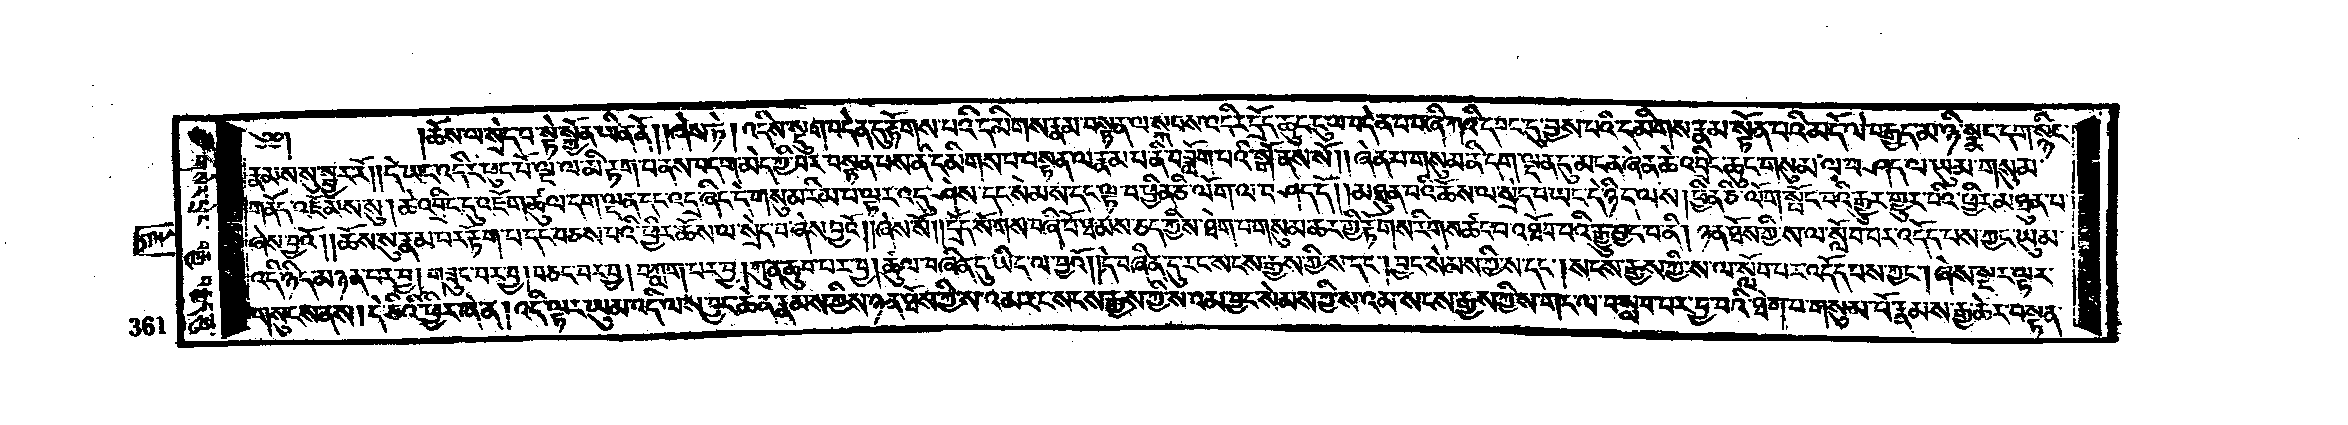༄༅། །ཆོས་ལ་སྲེད་པ་སྟེ་སྐྱོན་ཡིན་ནོ། །ཞེས་ཏེ། འདིས་སྡུག་བདེན་དུ་རྟོགས་པའི་དམིགས་རྣམ་བསྟན་ལ་སྐབས་འདིར་དྲོད་ཆུང་ངུ་ལ་བདེན་པ་བཞི་ཀའི་དབང་དུ་བྱས་པའི་དམིགས་རྣམ་སྟོན་པའི་མདོ་ལེ་བརྒྱད་མ་ཉི་སྣང་དག་སྙིང་
རྣམས་སུ་སྦྱར་རོ། །དེ་ཡང་འདིར་ཕུང་པོ་ལྔ་ལ་མི་རྟག་པ་ནས་བདག་མེད་ཀྱི་བར་བསྟན་པས་ནི་དམིགས་པ་བསྟན་ལ་རྣམ་པ་ནི་བཟློག་པའི་སྒོ་ནས་སོ། །ཞེན་པ་གསུམ་ནི་དག་ལྡན་དུ་མངན་ཞེན་ཆེ་འབྲིང་ཆུང་གསུམ་ལ་བཤད་ལ་ཡུམ་གསུམ་
གནོད་འཇོམས་སུ། །ཆ་འབྲིང་དུ་འཇོག་ཚུལ་དག་ལྡན་དང་འདྲ་ཞིང་དེ་གསུམ་རིམ་པ་ལྟར་འདུ་ཤེས་དང་སེམས་དང་ལྟ་བ་ཕྱིན་ཅི་ལོག་ལ་བཤད་དོ། །མཐུན་པའི་ཆོས་ལ་སྲེད་པ་ཡང་དེ་ཉིད་ལས། ཕྱིན་ཅི་ལོག་སྤོང་བའི་རྒྱུར་གྱུར་པའི་ཕྱིར་མཐུན་པ་
ཞེས་བྱའོ། །ཆོས་སུ་རྣམ་པར་རྟོག་པ་དང་བཅས་པའི་ཕྱིར་ཆོས་ལ་སྲེད་པ་ཞེས་བྱའོ། །ཞེས་སོ། །དྲོད་སོགས་བཞི་པོ་ཐམས་ཅད་ཀྱིས་ཐག་པ་གསུམ་ཆར་གྱི་རྟོགས་རིགས་ཚང་བ་འཐོབ་པའི་རྒྱུ་བྱེད་པ་ནི། ཉན་ཐོས་ཀྱི་ས་ལ་སློབ་པར་འདོད་པས་ཀྱང་ཡུམ་
འདི་ཉིད་མཉན་པར་བྱ། གཟུང་བར་བྱ། བཅད་བར་བྱ། བཀླག་པར་བྱ། ཀུན་ཆུབ་པར་བྱ། ཚུལ་བཞིན་དུ་ཡིད་ལ་བྱའོ། །དེ་བཞིན་དུ་རང་སངས་རྒྱས་ཀྱི་ས་དང་། བྱང་སེམས་ཀྱི་ས་དང་། སངས་རྒྱས་ཀྱི་ས་ལ་སློབ་པར་འདོད་པས་ཀྱང་། ཞེས་སྔར་ལྟར་
གསུངས་ནས། དེ་ཅིའི་ཕྱིར་ཞེ་ན། འདི་ལྟར་ཡུམ་འདི་ལས་བྱང་ཆེན་རྣམས་ཀྱིས་ཉན་ཐོས་ཀྱི་ས་འམ་རང་སངས་རྒྱས་ཀྱི་ས་འམ་བྱང་སེམས་ཀྱི་ས་འམ་སངས་རྒྱས་ཀྱི་ས་གང་ལ་བསླབ་པར་བྱ་བའི་ཐེག་པ་གསུམ་པོ་རྣམས་རྒྱ་ཆེར་བསྟན་